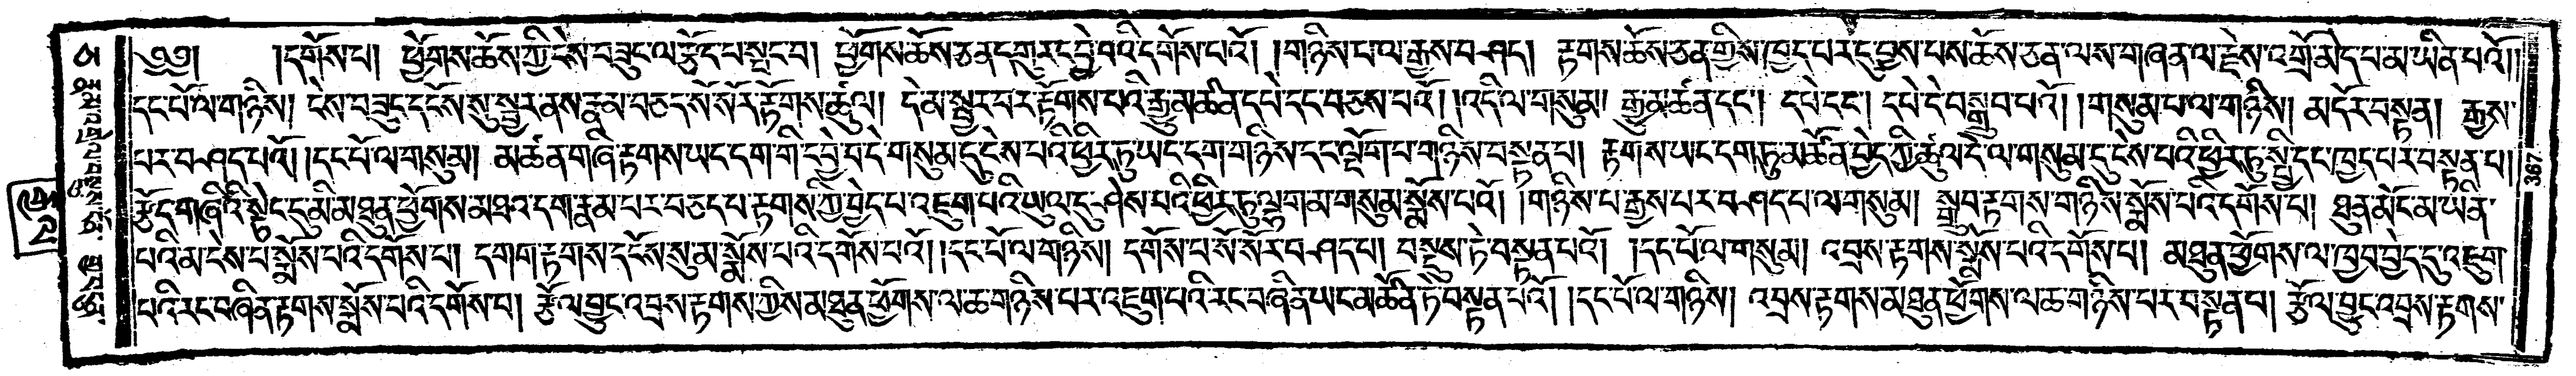༄༅། །དགོས་པ། ཕྱོགས་ཆོས་ཀྱི་ངེས་བཟུང་ལ་རྩོད་པ་སྤང་བ། ཕྱོགས་ཆོས་ཅན་དགུར་དབྱེ་བའི་དགོས་པའོ། །གཉིས་པ་ལ་རྒྱས་བཤད། རྟགས་ཆོས་ཅན་གྱིས་ཁྱད་པར་དུ་བྱས་པས་ཆོས་ཅན་ལས་གཞན་ལ་རྗེས་འགྲོ་མེད་པ་མ་ཡིན་པའོ། །
དང་པོ་ལ་གཉིས། ངེས་བཟུང་དངོས་སུ་སྦྱར་ནས་རྣམ་བཅད་སོ་སོར་རྟོགས་ཚུལ། དེ་མ་སྦྱར་བར་རྟོགས་པའི་རྒྱུ་མཚན་དཔེ་དང་བཅས་པའོ། །འདི་ལ་གསུམ། རྒྱུ་མཚན་དང་། དཔེ་དང་། དཔེ་དེ་བསྒྲུབ་པའོ། །གསུམ་པ་ལ་གཉིས། མདོར་བསྟན། རྒྱས་
པར་བཤད་པའོ། །དང་པོ་ལ་གསུམ། མཚན་གཞི་རྟགས་ཡང་དག་གི་དབྱེ་བ་དེ་གསུམ་དུ་ངེས་པའི་ཕྱིར་ཏུ་ཡང་དག་གཉིས་དང་ལྡོག་པ་གཉིས་བསྟན་པ། རྟགས་ཡང་དག་ཏུ་མཚོན་བྱེད་ཀྱི་ཚུལ་དེ་ལ་གསུམ་དུ་ངེས་པའི་ཕྱིར་ཏུ་སྤྱི་དང་ཁྱད་པར་བསྟན་པ།
རྩོད་གཞིའི་སྟེང་དུ་མི་མཐུན་ཕྱོགས་མཐའ་དག་རྣམ་པར་བཅད་པ་རྟགས་ཀྱི་བྱེད་པ་འཇུག་པའི་ཡུལ་དུ་ཤེས་པའི་ཕྱིར་ཏུ་ལྷག་མ་གསུམ་སྨོས་པའོ། །གཉིས་པ་རྒྱས་པར་བཤད་པ་ལ་གསུམ། སྒྲུབ་རྟགས་གཉིས་སྨོས་པའི་དགོས་པ། ཐུན་མོང་མ་ཡིན་
པའི་མ་ངེས་པ་སྨོས་པའི་དགོས་པ། དགག་རྟགས་དངོས་སུ་མ་སྨོས་པའི་དགོས་པའོ། །དང་པོ་ལ་གཉིས། དགོས་པ་སོ་སོར་བཤད་པ། བསྡུས་ཏེ་བསྟན་པའོ། །དང་པོ་ལ་གསུམ། འབྲས་རྟགས་སྨོས་པའི་དགོས་པ། མཐུན་ཕྱོགས་ལ་ཁྱབ་བྱེད་དུ་འཇུག་
པའི་རང་བཞིན་རྟགས་སྨོས་པའི་དགོས་པ། རྩོལ་བྱུང་འབྲས་རྟགས་ཀྱིས་མཐུན་ཕྱོགས་ལ་ཆ་གཉིས་པར་འཇུག་པའི་རང་བཞིན་ཡང་མཚོན་ཏེ་བསྟན་པའོ། །དང་པོ་ལ་གཉིས། འབྲས་རྟགས་མཐུན་ཕྱོགས་ལ་ཆ་གཉིས་པར་བསྟན་པ། རྩོལ་བྱུང་འབྲས་རྟགས་